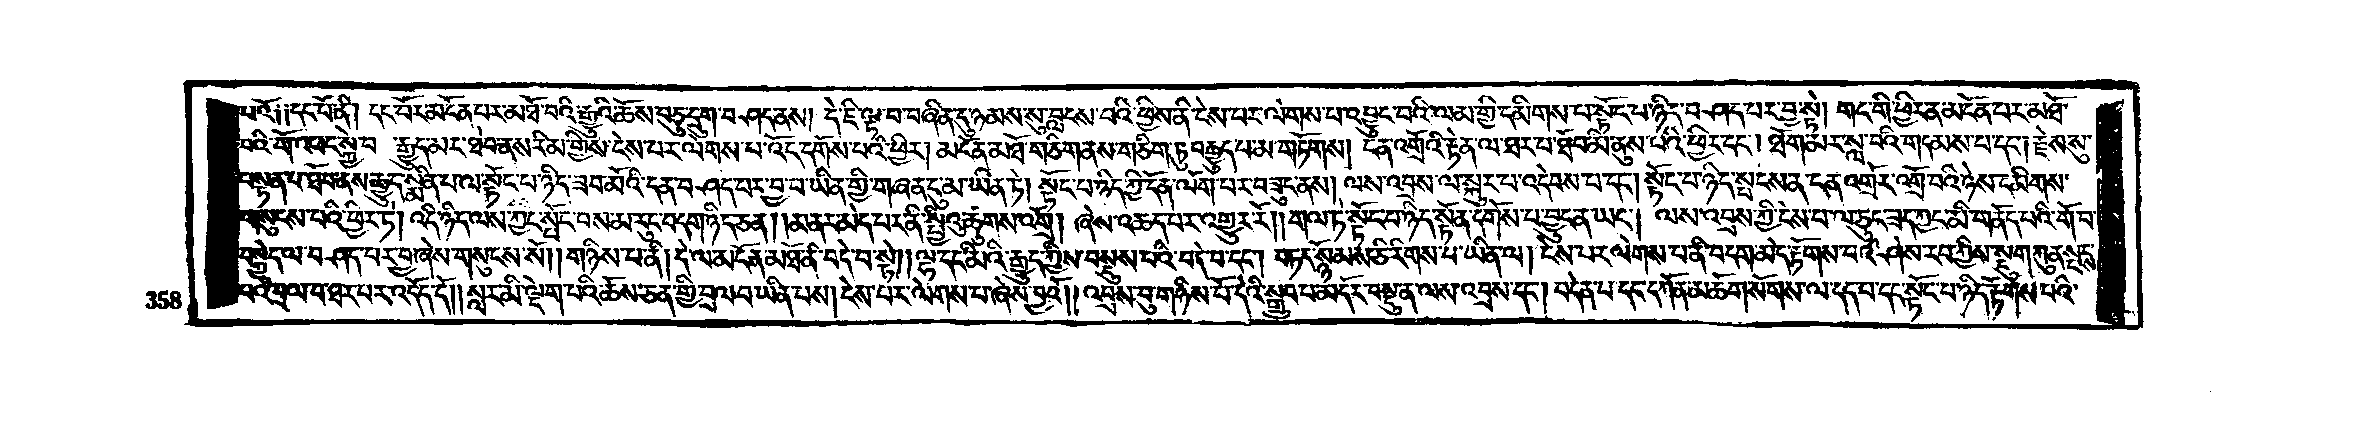པའོ། །དང་པོ་ནི། དང་པོར་མངོན་པར་མཐོ་བའི་རྒྱུའི་ཆོས་བཅུ་དྲུག་བཤད་ནས། དེ་ཇི་ལྟ་བ་བཞིན་དུ་ཉམས་སུ་བླངས་པའི་ཕྱིས་ནི་ངེས་པར་ལེགས་པ་འབྱུང་བའི་ལམ་གྱི་དམིགས་པ་སྟོང་པ་ཉིད་བཤད་པར་བྱ་སྟེ། གང་གི་ཕྱིར་ན་མངོན་པར་མཐོ་
བའི་གོ་འཕང་སྐྱེ་བ་རྒྱུད་མར་ཐོབ་ནས་རིམ་གྱིས་ངེས་པར་ལེགས་པ་འོང་དགོས་པའི་ཕྱིར། མངོན་མཐོ་གཅིག་ནས་གཅིག་ཏུ་བརྒྱུད་པ་མ་གཏོགས། ངན་འགྲོའི་རྟེན་ལ་ཐར་པ་ཐོབ་མི་ནུས་པའི་ཕྱིར་དང་། ཐོག་མར་སླ་བའི་གདམས་པ་དང་། རྗེས་སུ་
བསྟན་པ་ཐོབ་ནས་རྒྱུད་སྨིན་པ་ལ་སྟོང་པ་ཉིད་ཟབ་མོའི་དོན་བཤད་པར་བྱ་བ་ཡིན་གྱི་གཞན་དུ་མ་ཡིན་ཏེ། སྟོང་པ་ཉིད་ཀྱི་དོན་ལོག་པར་བཟུང་ནས། ལས་འབྲས་ལ་སྐུར་བ་འདེབས་པ་དང་། སྟོང་པ་ཉིད་སྤངས་ན་ངན་འགྲོར་འགྲོ་བའི་ཉེས་དམིགས་
གསུངས་པའི་ཕྱིར་ཏེ། འདི་ཉིད་ལས་ཀྱང་སྤོང་བས་མ་རུང་བདག་ཉིད་ཅན། །མནར་མེད་པར་ནི་སྤྱིའུ་ཚུགས་འགྲོ། ཞེས་འཆད་པར་འགྱུར་རོ། །གལ་ཏེ་སྟོང་པ་ཉིད་སྟོན་དགོས་པ་བྱུང་ན་ཡང་། ལས་འབྲས་ཀྱི་ངེས་པ་ལ་ཅུང་ཟད་ཀྱང་མི་གནོད་པའི་གོ་བ་
བསྐྱེད་ལ་བཤད་པར་བྱ་ཞེས་གསུངས་སོ། །གཉིས་པ་ནི། དེ་ལ་མངོན་མཐོ་ནི་བདེ་བ་སྟེ། །ལྷ་དང་མིའི་རྒྱུད་ཀྱིས་བསྡུས་པའི་བདེ་བ་དང་། བཏང་སྙོམས་ཅི་རིགས་པ་ཡིན་ལ། ངེས་པར་ལེགས་པ་ནི་བདག་མེད་རྟོགས་པའི་ཤེས་རབ་ཀྱིས་སྡུག་ཀུན་སྤངས་
པའི་བྲལ་བ་ཐར་པར་འདོད་དོ། །སླར་མི་ལྡེག་པའི་ཆོས་ཅན་གྱི་བྲལ་བ་ཡིན་པས། ངེས་པར་ལེགས་པ་ཞེས་བྱའོ། །འབྲས་བུ་གཉིས་པོ་དེའི་སྒྲུབ་པ་མདོར་བསྡུ་ན་ལས་འབྲས་དང་། བདེན་པ་དང་དཀོན་མཆོག་སོགས་ལ་དད་པ་དང་སྟོང་པ་ཉིད་རྟོགས་པའི་